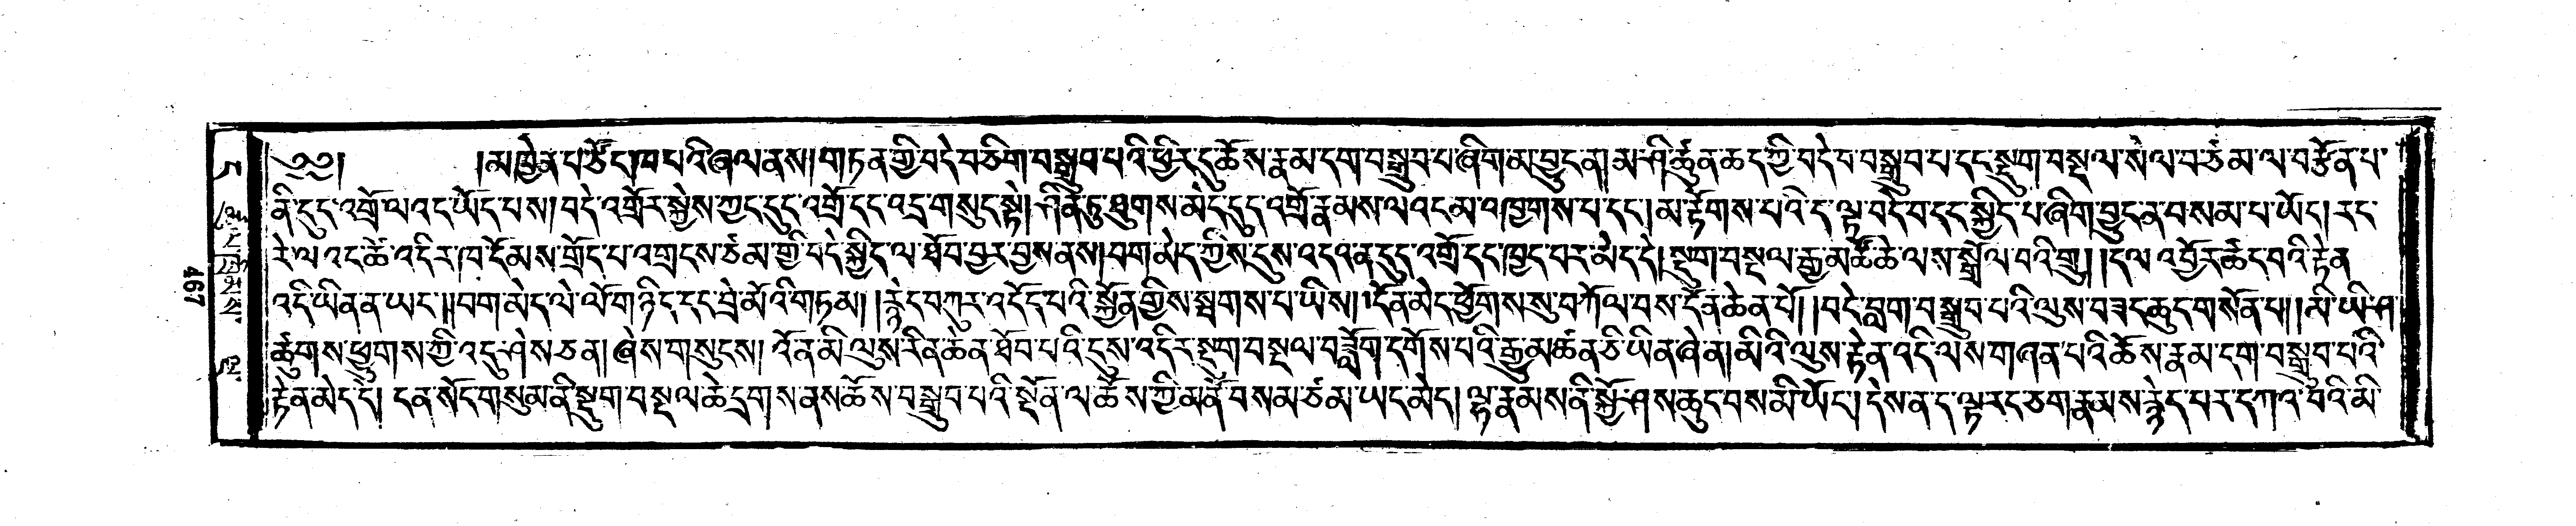༄༅། །མཁྱེན་པ་ཙོང་ཁ་པའི་ཞལ་ནས། གཏན་གྱི་བདེ་བ་ཅིག་བསྒྲུབ་པའི་ཕྱིར་དུ་ཆོས་རྣམ་དག་བསྒྲུབ་པ་ཞིག་མ་བྱུང་ན། མ་ཤི་ཚུན་ཆད་ཀྱི་བདེ་བ་བསྒྲུབ་པ་དང་སྡུག་བསྔལ་སེལ་བ་ཙམ་ལ་བརྩོན་པ་
ནི་དུད་འགྲོ་ལའང་ཡོད་པས། བདེ་འགྲོར་སྐྱེས་ཀྱང་དུད་འགྲོ་དང་འདྲ་གསུང་སྟེ། ཤིན་ཏུ་ཐུགས་མེད་དུད་འགྲོ་རྣམས་ལའང་མ་འཁྱགས་པ་དང་། མ་རྟོགས་པའི་ད་ལྟ་བདེ་བ་དང་སྐྱིད་པ་ཞིག་བྱུང་ན་བསམ་པ་ཡོད། རང་
རེ་ལའང་ཚེ་འདིར་ཁ་ངོམས་གྲོད་པ་འགྲངས་ཙམ་གྱི་བདེ་སྐྱིད་ལ་ཐོབ་བྱར་བྱས་ནས། བག་མེད་ཀྱིས་དུས་འདའ་ན་དུད་འགྲོ་དང་ཁྱད་པར་མེད་དེ། སྡུག་བསྔལ་རྒྱ་མཚོ་ཆེ་ལས་སྒྲོལ་བའི་གྲུ། །དལ་འབྱོར་ཚང་བའི་རྟེན་
འདི་ཡིན་ན་ཡང་། །བག་མེད་ལེ་ལོ་གཉིད་དང་བྲེ་མོའི་གཏམ། །རྙེད་བཀུར་འདོད་པའི་སྐྱོན་གྱིས་སྦགས་པ་ཡིས། །དོན་མེད་ཕྱོགས་སུ་བཀོལ་བས་དོན་ཆེན་པོ། །བདེ་བླག་བསྒྲུབ་པའི་ལུས་བཟང་ཆུད་གསོན་པ། །མི་ཡི་ཤ་
ཚུགས་ཕྱུགས་ཀྱི་འདུ་ཤེས་ཅན། ཞེས་གསུངས། འོ་ན་མི་ལུས་རིན་ཆེན་ཐོབ་པའི་དུས་འདིར་སྡུག་བསྔལ་བཟློག་དགོས་པའི་རྒྱུ་མཚན་ཅི་ཡིན་ཞེ་ན། མིའི་ལུས་རྟེན་འདི་ལས་གཞན་པའི་ཆོས་རྣམ་དག་བསྒྲུབ་པའི་
རྟེན་མེད་དེ། ངན་སོང་གསུམ་ནི་སྡུག་བསྔལ་ཆེ་དྲངས་ནས་ཆོས་བསྒྲུབ་པའི་སྔོན་ལ་ཆོས་ཀྱི་མནོ་བསམ་ཙམ་ཡང་མེད། ལྷ་རྣམས་ནི་སྐྱོ་ཤས་ཆུང་བས་མི་ཡོང་། དེས་ན་ད་ལྟ་རང་ཅག་རྣམས་རྙེད་པར་དཀའ་བའི་མི།